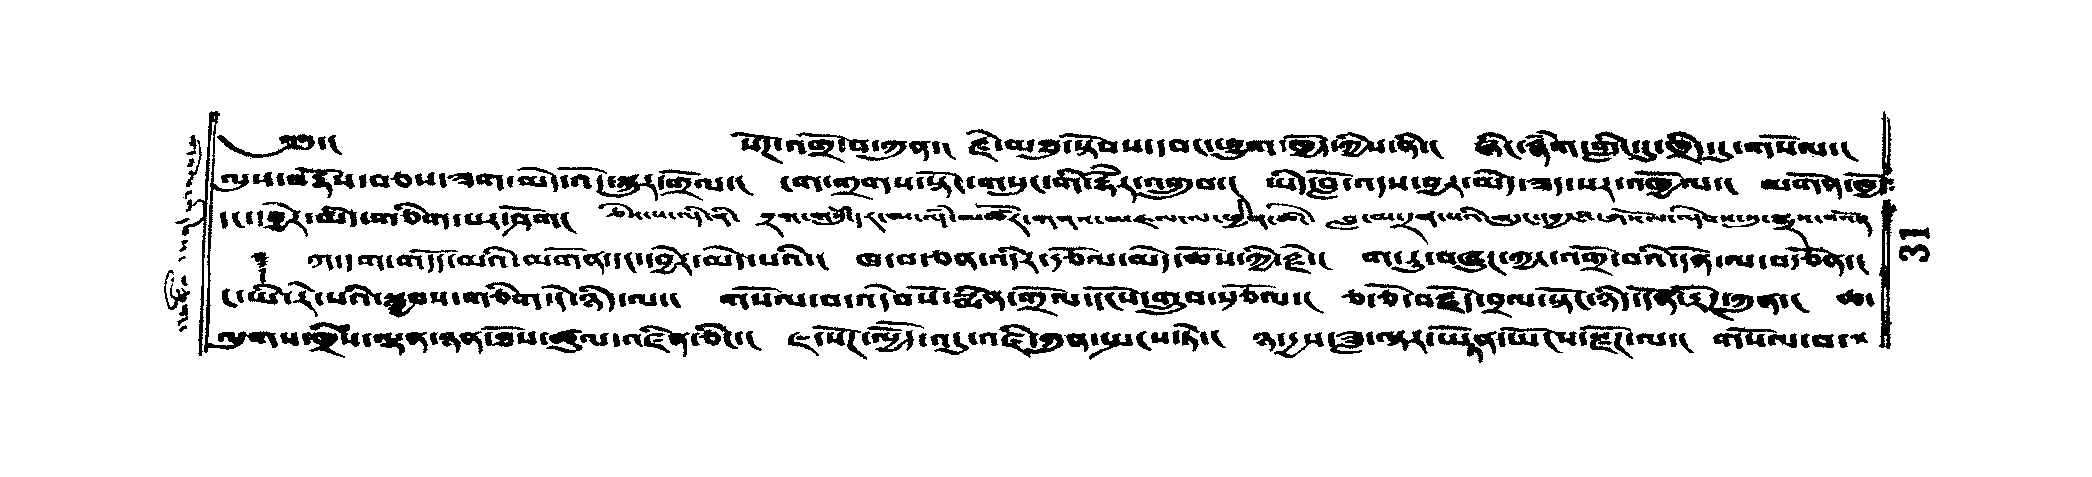སོགས་འགྲོ་བ་ཀུན། །རྗེ་མཐུ་སྟོབས་དབང་ཕྱུག་ཁྱོད་ཀྱིས་ནི། །ཞིང་རྣམ་དག་གླིང་དུ་ཁྲིད་དུ་གསོལ། །
ལུས་བརྡོས་བཅས་ཟག་མེད་འོད་སྐུར་གྲོལ། །ངག་གྲགས་སྟོང་གསུང་གི་རྡོ་རྗེར་འགྲུབ། །ཡིད་བློ་འདས་བྱར་མེད་ཟད་སར་འཁྱོལ། མགོན་ཁྱོད་
དང་དབྱེར་མེད་གཅིག་པར་ཤོག ཅེས་པ་འདི་ནི་བྲག་གསུམ་དར་མ་འདམ་མཚོར་གནས་མཇལ་ལ་ཕྱིན་ཚེ། བླ་མ་དྲན་པའི་གདུང་དབྱངས་གསོལ་འདེབས་སུ་སྨྲས་པའོ། 
༈ ཀ་དག་གདོད་མའི་མགོན་དང་དབྱེར་མེད་པའི། །ཁ་བ་ཅན་འདིར་རྩོལ་མེད་ཆོས་ཀྱི་རྗེ། །ག་རུ་བཞུགས་ཀྱང་འགྲོ་བའི་དོན་ལ་བརྩོན། །
ང་ཡི་རེ་སའི་སྐྱབས་གཅིག་དེ་ཉིད་ལ། །གསོལ་བ་འདེབས་སོ་སྨིན་གྲོལ་དངོས་གྲུབ་སྩོལ། །ཅ་ཅོ་བརྗོད་བྲལ་སྟོང་ཉིད་དོན་རྟོགས་ཀུན། །ཆ་
ལུགས་ཁྲིམས་ལྡན་ཉན་ཐོས་ཚུལ་འཛིན་ཅིང་། །ཇ་སོགས་ལོངས་སྤྱོད་འདུ་འཛི་ཀུན་སྤངས་ཏེ། །ཉ་རྒྱས་ཟླ་ལྟར་ཡོན་ཏན་ཡོངས་རྫོགས་ལ། །གསོལ་བ༴